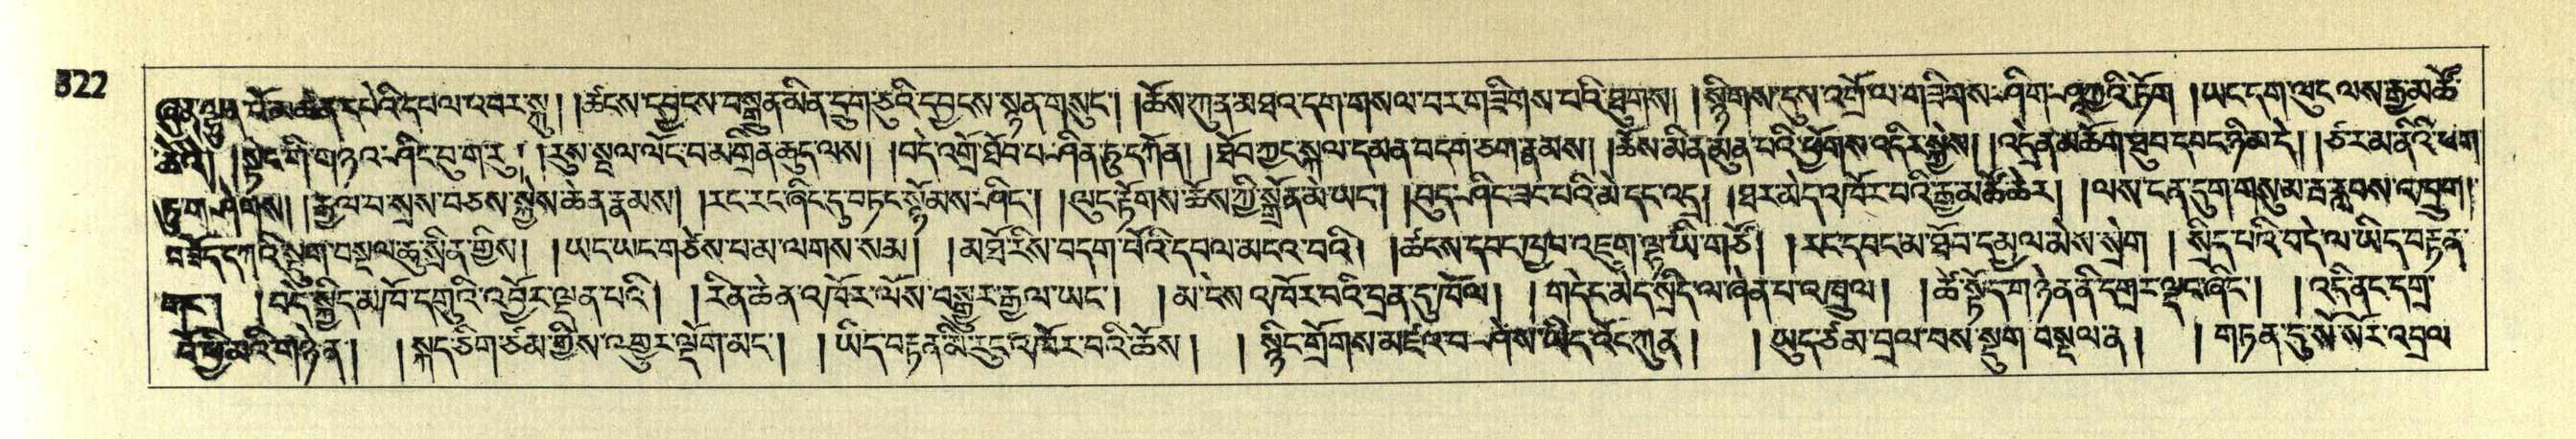ཞུན་ལྷུན་པོ་མཚན་དཔེའི་དཔལ་འབར་སྐུ། །ཚངས་དབྱངས་བསྒྲུན་མིན་དྲུག་ཅུའི་དབྱངས་སྙན་གསུང་། །ཆོས་ཀུན་མཐའ་དག་གསལ་བར་གཟིགས་པའི་ཐུགས། །སྙིགས་དུས་འགྲོ་ལ་གཟིགས་ཤིག་ཤཱཀྱའི་ཏོག །ཡང་དག་ལུང་ལས་རྒྱ་མཚོ་
ཚེའི། །སྟེང་གི་གཉའ་ཤིང་བུ་ག་རུ། །རུས་སྦལ་ལོང་བ་མགྲིན་ཆུད་ལས། །བདེ་འགྲོ་ཐོབ་པ་ཤིན་ཏུ་དཀོན། །ཐོབ་ཀྱང་སྐལ་དམན་བདག་ཅག་རྣམས། །ཆོས་མིན་མུན་པའི་ཕྱོགས་འདིར་སྐྱེས། །འདྲེན་མཆོག་ཐུབ་དབང་ཉི་མ་དེ། །ཙ་ར་མ་ནིའི་ཕག་
ཏུ་གཤེགས། །རྒྱལ་བ་སྲས་བཅས་སྐྱེས་ཆེན་རྣམས། །རང་རང་ཞིང་དུ་བཏང་སྙོམས་ཤིང་། །ལུང་རྟོགས་ཆོས་ཀྱི་སྒྲོན་མེ་ཡང་། །བུད་ཤིང་ཟང་པའི་མེ་དང་འདྲ། །ཐར་མེད་འཁོར་བའི་རྒྱ་མཚོ་ཆེར། །ལས་ངན་དུག་གསུམ་རྦ་རླབས་འཁྲུག།
བཟོད་དཀའི་སྡུག་བསྔལ་ཆུ་སྲིན་གྱིས། །ཡང་ཡང་གཙེས་པ་མ་ལགས་སམ། །མཐོ་རིས་བདག་པོའི་དབལ་མངའ་བའི། །ཚངས་དབང་ཁྱབ་འཇུག་ལྷ་ཡི་གཙོ། །རང་དབང་མ་ཐོབ་དམྱལ་མེས་སྲེག །སྲིད་པའི་བདེ་ལ་ཡིད་བརྟན་
གང་། །བདེ་སྐྱིད་མཁོ་དགུའི་འབྱོར་ལྡན་པའི། །རིན་ཆེན་འཁོར་ལོས་བསྒྱུར་རྒྱལ་ཡང་། །མ་ངེས་འཁོར་བའི་བྲན་དུ་ཁོལ། །གདེང་མེད་སྲིད་ལ་ཞེན་པ་འཁྲུལ། །ཚེ་སྟོད་གཉེན་ནི་དགྲར་ལྡང་ཞིང་། །འདི་ནང་དགྲ་
བོ་ཕྱི་མའི་གཉེན། །སྐད་ཅིག་ཙམ་གྱིས་འགྱུར་ལྡོག་མང་། །ཡིད་བརྟན་མི་རུང་འཁོར་བའི་ཆོས། །སྙིང་གྲོགས་མཛའ་བཤེས་ཡིད་འོང་ཀུན། །ཡུད་ཙམ་བྲལ་བས་སྡུག་བསྔལ་ན། །གཏན་དུ་སོ་སོར་འབྲལ་